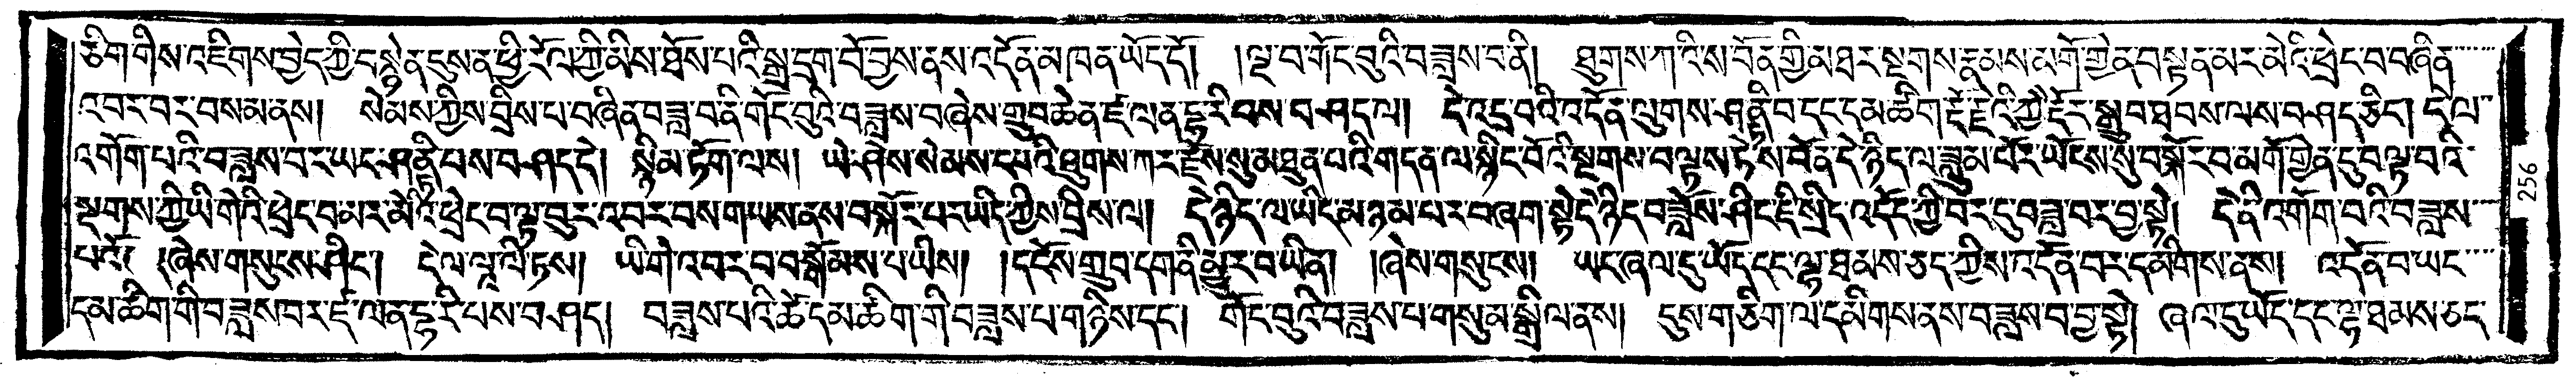ཅིག་གིས་འཇིགས་བྱེད་ཀྱི་བསྙེན་དུས་ན་ཕྱི་རོལ་ཀྱི་མིས་ཐོས་པའི་སྒྲ་དྲག་པོ་བྱས་ནས་འདོན་མཁན་ཡོད་དོ། །ལྔ་པ་གོང་བུའི་བཟླས་བ་ནི། ཐུགས་ཀའི་ས་བོན་གྱི་མཐར་སྔགས་རྣམས་མགོ་གྱེན་བསྟན་མར་མེའི་ཕྲེང་བ་བཞིན་
འབར་བར་བསམ་ནས། སེམས་ཀྱིས་བྲིས་པ་བཞིན་བཟླ་བ་ནི་གོང་བུའི་བཟླས་བཞེས་གྲུབ་ཆེན་ཛ་ལན་དྷ་རི་བས་བཤད་ལ། དེ་འདྲ་བའི་འདོན་ལུགས་ཤནྟི་བ་དང་དམ་ཚིག་རྡོ་རྗེའི་ཀྱཻ་རྡོར་སྒྲུབ་ཐབས་ལས་བཤད་ཅིང་། དེ་ལ་
འགོག་པའི་བཟླས་པར་ཡང་ཤནྟི་པས་བཤད་དེ། སྙིམ་ཏོག་ལས། ཡེ་ཤེས་སེམས་དཔའི་ཐུགས་ཀར་རྗེས་སུ་མཐུན་པའི་གདན་ལ་སྙིང་པོའི་སྔགས་བལྟས་ཏེ་ས་བོན་དེ་ཉིད་ལ་ཟླུམ་པོར་ཡོངས་སུ་བསྐོར་བ་མགོ་གྱེན་དུ་བལྟ་བའི་
སྔགས་ཀྱི་ཡི་གེའི་ཕྲེང་བ་མར་མེའི་ཕྲེང་བ་ལྟ་བུར་འབར་བས་གཡས་ནས་བསྐོར་པར་ཡིད་ཀྱིས་བྲིས་ལ། དེ་ཉིད་ལ་ཡིད་མཉམ་པར་བཞག་སྟེ་དེ་ཉིད་བཟློས་ཤིང་ཇི་སྲིད་འདོད་ཀྱི་བར་དུ་བཟླ་བར་བྱ་སྟེ། དེ་ནི་འགོག་བའི་བཟླས་
པའོ༑ ༑ཞེས་གསུངས་ཤིང་། དེ་ལ་ལཱ་ལི་ཏས། ཡི་གེ་འབར་བ་བསྒོམས་པ་ཡིས། །དངོས་གྲུབ་དག་ནི་མྱུར་བ་ཡིན། །ཞེས་གསུངས། ཡང་ཞལ་དུ་ཡོད་དང་ལྷ་ཐམས་ཅད་ཀྱིས་འདོན་བར་དམིགས་ནས། འདོན་བ་ཡང་
དམ་ཚིག་གི་བཟླས་བར་ཛ་ལན་དྷ་རི་པས་བཤད། བཟླས་པའི་ཚེ་དམ་ཚིག་གི་བཟླས་པས་གཉིས་དང་། གོང་བུའི་བཟླས་པ་གསུམ་སྒྲིལ་ནས། དུས་གཅིག་ལ་དམིགས་ནས་བཟླས་བ་བྱ་སྟེ། ཞལ་དུ་ཡོད་དང་ལྷ་ཐམས་ཅད་